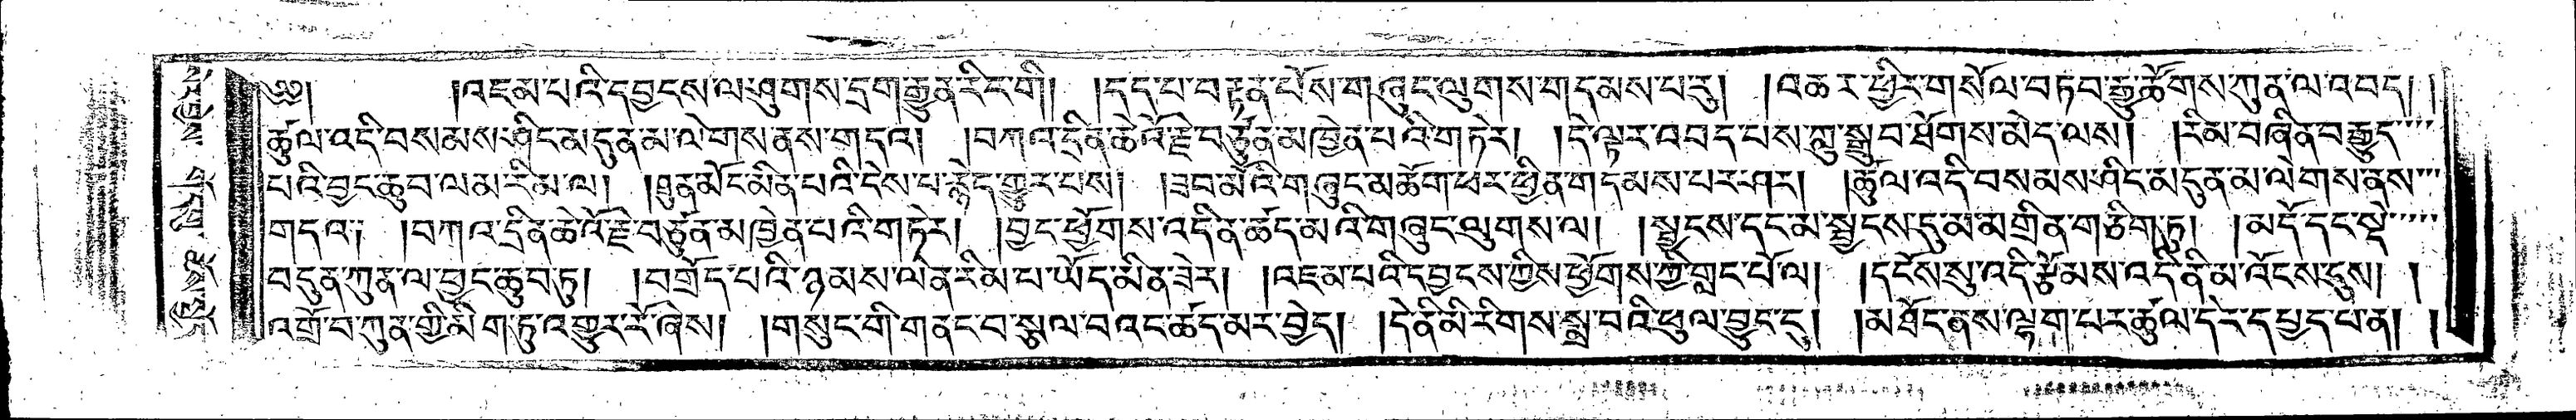༄༅། །འཇམ་པའི་དབྱངས་ལ་ཤུགས་དྲག་རྒྱུན་རིང་གི། །དད་པ་བརྟན་པོས་གཞུང་ལུགས་གདམས་པ་རུ། །འཆར་ཕྱིར་གསོལ་བཏབ་རྒྱུ་ཚོགས་ཀུན་ལ་འབད། །
ཚུལ་འདི་བསམས་ཤིང་མདུན་མ་ལེགས་ནས་གདའ། །བཀའ་དྲིན་ཆེའོ་རྗེ་བཙུན་མཁྱེན་པའི་གཏེར། །དེ་ལྟར་འབད་པས་ཀླུ་སྒྲུབ་ཐོགས་མེད་ལས། །རིམ་བཞིན་བརྒྱུད་
པའི་བྱང་ཆུབ་ལམ་རིམ་ལ། །ཐུན་མོང་མིན་པའི་ངེས་པ་རྙེད་གྱུར་པས། །ཟབ་མོའི་གཞུང་མཆོག་ཕར་ཕྱིན་གདམས་པར་ཤར། །ཚུལ་འདི་བསམས་ཤིང་མདུན་མ་ལེགས་ནས་
གདའ༑ །བཀའ་དྲིན་ཆེའོ་རྗེ་བཙུན་མཁྱེན་པའི་གཏེར། །བྱང་ཕྱོགས་འདི་ན་ཚད་མའི་གཞུང་ལུགས་ལ། །སྦྱངས་དང་མ་སྦྱངས་དུ་མ་མགྲིན་གཅིག་ཏུ། །མདོ་དང་སྡེ་
བདུན་ཀུན་ལ་བྱང་ཆུབ་ཏུ། །བགྲོད་པའི་ཉམས་ལེན་རིམ་པ་ཡོད་མིན་ཟེར། །འཇམ་པའི་དབྱངས་ཀྱིས་ཕྱོགས་ཀྱི་གླང་པོ་ལ། །དངོས་སུ་འདི་རྩོམས་འདི་ནི་མ་འོངས་དུས། །
འགྲོ་བ་ཀུན་གྱི་མིག་ཏུ་འགྱུར་རོ་ཞེས། །གསུང་གི་གནང་བ་སྩལ་བའང་ཚད་མར་བྱེད། །དེ་ནི་མི་རིགས་སྨྲ་བའི་ཕུལ་བྱུང་དུ། །མཐོང་ནས་ལྷག་པར་ཚུལ་དེར་དཔྱད་པ་ན། །